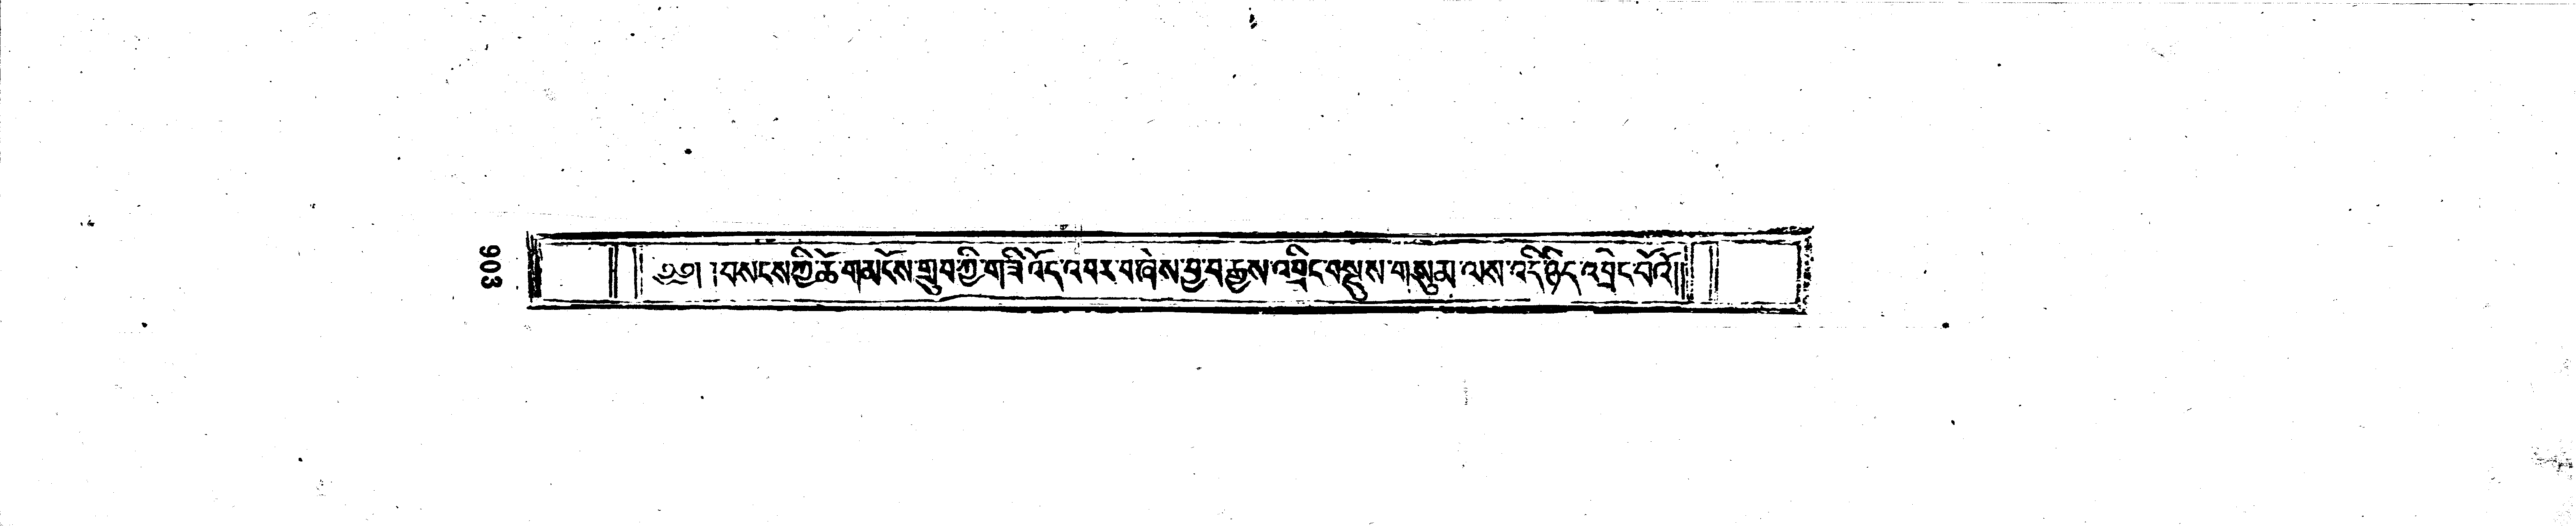༄༅། །བསངས་ཀྱི་ཆོ་ག་དངོས་གྲུབ་ཀྱི་གཟི་འོད་འབར་བ་ཞེས་བྱ་བ་རྒྱས་འབྲིང་བསྡུས་གསུམ་ལས་འདི་ཉིད་འབྲིང་པོའོ།།